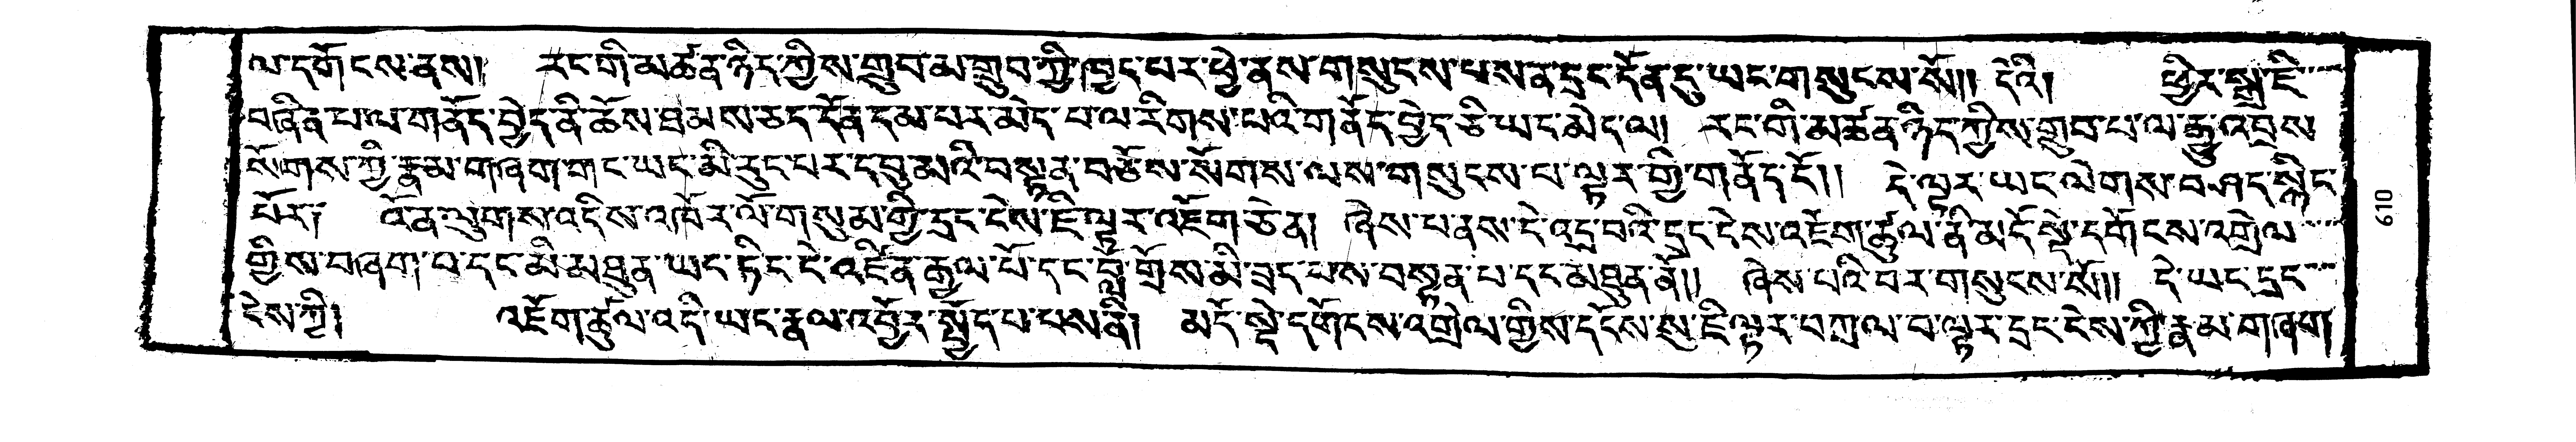ལ་དགོངས་ནས། རང་གི་མཚན་ཉིད་ཀྱིས་གྲུབ་མ་གྲུབ་ཀྱི་ཁྱད་པར་ཕྱེ་ནས་གསུངས་པས་ན་དྲང་དོན་དུ་ཡང་གསུངས་སོ། །དེའི། ཕྱིར་སྒྲ་ཇི་
བཞིན་པ་ལ་གནོད་བྱེད་ནི་ཆོས་ཐམས་ཅད་དོན་དམ་པར་མེད་པ་ལ་རིགས་པའི་གནོད་བྱེད་ཅི་ཡང་མེད་ལ། རང་གི་མཚན་ཉིད་ཀྱིས་གྲུབ་པ་ལ་རྒྱུ་འབྲས་
སོགས་ཀྱི་རྣམ་གཞག་གང་ཡང་མི་རུང་པར་དབུ་མའི་བསྟན་བཅོས་སོགས་ལས་གསུངས་པ་ལྟར་གྱི་གནོད་དོ། །དེ་ལྟར་ཡང་ལེགས་བཤད་སྙིང་
པོར༑ འོ་ན་ལུགས་འདིས་འཁོར་ལོ་གསུམ་གྱི་དྲང་ངེས་ཇི་ལྟར་འཇོག་ཅེ་ན། ཞེས་པ་ནས་དེ་འདྲ་བའི་དྲང་ངེས་འཇོག་ཚུལ་ནི་མདོ་སྡེ་དགོངས་འགྲེལ་
གྱིས་བཞག་པ་དང་མི་མཐུན་ཡང་ཏིང་ངེ་འཛིན་རྒྱལ་པོ་དང་བློ་གྲོས་མི་ཟད་པས་བསྟན་པ་དང་མཐུན་ནོ། །ཞེས་པའི་བར་གསུངས་སོ། །དེ་ཡང་དྲང་
ངེས་ཀྱི། འཇོག་ཚུལ་འདི་ཡང་རྣལ་འབྱོར་སྤྱོད་པ་པས་ནི། མདོ་སྡེ་དགོངས་འགྲེལ་གྱིས་དངོས་སུ་ཇི་ལྟར་བཀྲལ་བ་ལྟར་དྲང་ངེས་ཀྱི་རྣམ་གཞག་